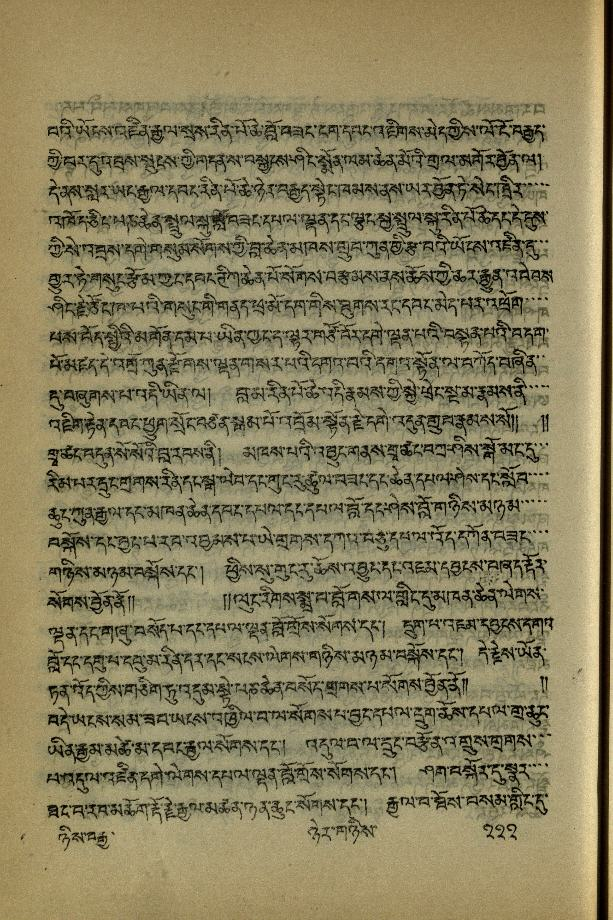བའི་ཡོངས་འཛིན་རྒྱལ་སྲས་རིན་པོ་ཆེ་བློ་བཟང་ངག་དབང་འཇིགས་མེད་ཀྱིས་ལོ་ངོ་བརྒྱད་
ཀྱི་བར་དུ་འབྲས་སྤུངས་ཀྱི་གདན་ས་བསྐྱངས་ཤིང་སྨོན་ལམ་ཆེན་མོའི་གྲལ་མགོར་བྱོན་ལ།
དེ་ནས་སླར་ཡང་རྒྱལ་དབང་རིན་པོ་ཆེ་ཉེར་བརྒྱད་སྟེང་ཁམས་ནས་ཡར་བྱོན་ཏེ་སེང་ཁྲིར་
འཁོད་ཅིང་པཎ་ཆེན་སྤྲུལ་སྐུ་བློ་བཟང་དཔལ་ལྡན་དང་ལྕང་སྐྱ་སྤྲུལ་སྐུ་རིན་པོ་ཆེ་དང་དེ་དུས་
ཀྱི་སེ་འབྲས་དགེ་གསུམ་སོགས་ཀྱི་བླ་ཆེན་མཁས་གྲུབ་ཀུན་གྱི་རྩ་བའི་ཡོངས་འཛིན་དུ་
གྱུར་ཏེ་གསུང་རྩོམ་ཀྱང་དབང་ཊིཀ་ཆེན་པོ་སོགས་བརྩམས་ནས་ཆོས་ཀྱི་ཆར་རྒྱུན་འབེབས་
ཤིང་རྗེ་ཙོང་ཁ་པའི་གསུང་གི་གནད་ཕྲ་མོ་དག་གིས་ཐུགས་རང་དབང་མེད་པར་འཕྲོག་
པས་བོད་སྤྱིའི་མགོན་དམ་པ་ཡིན་ཀྱང་ད་ལྟར་གཙོ་བོར་དགེ་ལྡན་པའི་བསྟན་པའི་བདག་
པོ་མཛད་དེ་འགྲོ་ཀུན་རྫོགས་ལྡན་གསར་པའི་དགའ་བའི་དགའ་སྟོན་ལ་བཀོད་བཞིན་
དུ་བཞུགས་པ་འདི་ཡིན་ལ། བླ་མ་རིན་པོ་ཆེ་འདི་རྣམས་ཀྱི་སྐེ་ཕྲེང་སྔ་མ་རྣམས་ནི་
འཇིག་རྟེན་དབང་ཕྱུག་སྲོང་བཙན་སྒམ་པོ་འབྲོམ་སྟོན་རྗེ་དགེ་འདུན་གྲུབ་རྣམས་སོ།། །།
གྲྭ་ཚང་བདུན་སོ་སོའི་བླ་རབས་ནི། མཁས་པའི་འབྱུང་གནས་གྲྭ་ཚང་བཀྲ་ཤིས་སྒོ་མང་དུ་
རིམ་པར་དྲུང་གྲགས་རིན་དང་སྒ་ལེབ་དང་གུང་རུ་ཚུལ་བཟང་དང་ཆེན་དཔལ་ཤེས་དང་སློབ་
ཆུང་ཀུན་རྒྱལ་དང་མཁན་ཆེན་དབང་དཔལ་དང་དཔལ་བློ་དང་ཤེས་བློ་གཉིས་མཉམ་
བསྐོས་དང་བྱང་པ་རབ་འབྱམས་པ་ཡེ་གྲགས་དཀའ་བཅུ་དཔལ་འོད་དཀོན་བཟང་
གཉིས་མཉམ་བསྐོས་དང་། ཕྱིས་སུ་གུང་རུ་ཆོས་འབྱུང་དང་འཇམ་དབྱངས་བཞད་རྡོར་
སོགས་བྱོན་ནོ།། །།ལུང་རིགས་སྨྲ་བ་བློ་གསལ་གླིང་དུ་མཁན་ཆེན་ལེགས་
ལྡན་དང་གཞུ་བསོད་པ་དང་དཔལ་ལྡན་བློ་གྲོས་སོགས་དང་། དྲུག་པ་འཇམ་དབྱངས་དགའ་
བློ་དང་དགུ་པ་དབུ་མ་རིན་དར་དང་སངས་ལེགས་གཉིས་མཉམ་བསྐོས་དང་། དེ་རྗེས་ཡོན་
ཏན་འོད་ཀྱིས་གཅིག་ཏུ་འདུམ་སྟེ་པཎ་ཆེན་བསོད་གྲགས་པ་སོགས་བྱོན་ནོ།། །།
བདེ་ཡངས་སམ་ཟབ་ཡངས་འཁྱིལ་བ་ལ་སོགས་པ་བྱང་དཔལ་དྲུག་ཆོས་དཔལ་གྲ་ཆུང་
ཡིན་རྒྱམ་མཚེ་མ་དབང་རྒྱལ་སོགས་དང་། འདུལ་བ་ལ་དྲུང་བརྩོན་འགྲུས་གྲགས་
པ་འདུལ་འཛིན་དགེ་ལེགས་དཔལ་ལྡན་བློ་གྲོས་སོགས་དང་། ཤག་བསྐོར་དུ་སྣར་
ཐང་བ་རབ་མཆོག་རྡོ་རྗེ་རྒྱལ་མཚན་ཉན་ཆུང་སོགས་དང་། རྒྱལ་བ་ཐོས་བསམ་གླིང་དུ་